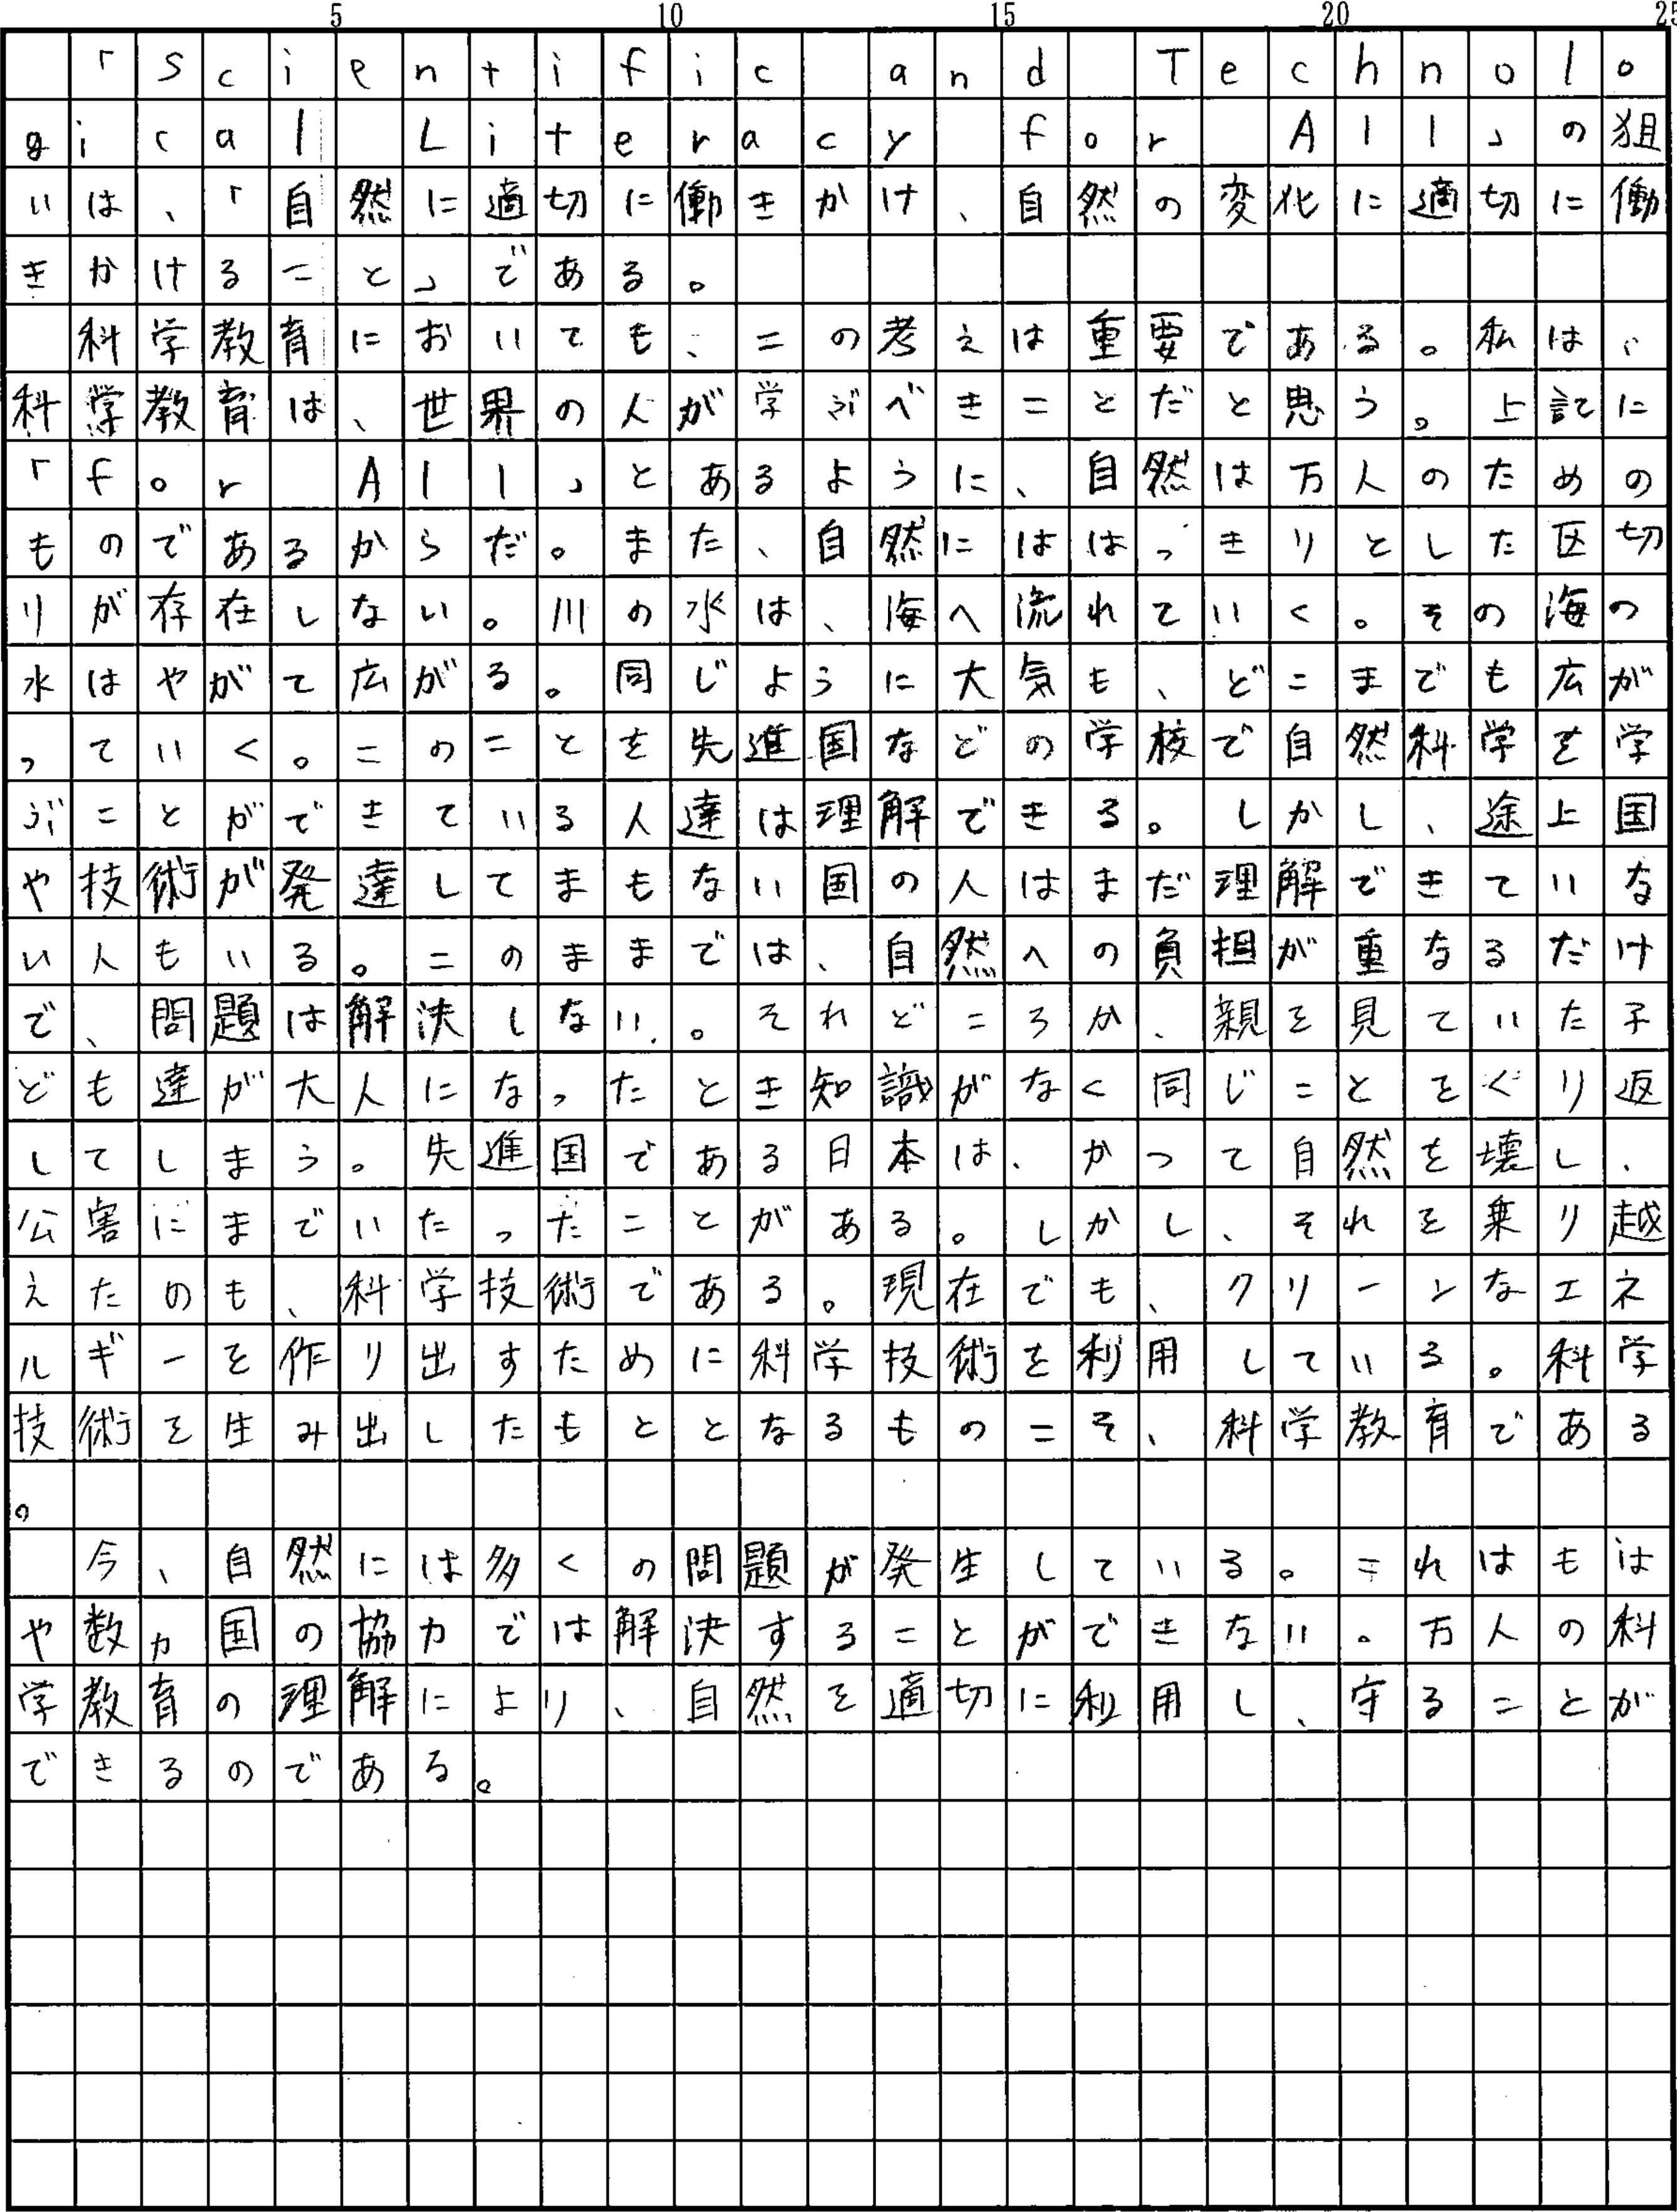　「Ｓｃｉｅｎｔｉｆｉｃ　ａｎｄ　Ｔｅｃｈｎｏｌｏｇｉｃａｌ　Ｌｉｔｅｒａｃｙ　ｆｏｒ　Ａｌｌ」の狙いは、「自然に適切に働きかけ、自然の変化に適切に働きかけること」である。
　科学教育においても、この考えは重要である。私は、科学教育は、世界の人が学ぶべきことだと思う。上記に「ｆｏｒ　Ａｌｌ」とあるように、自然は万人のためのものであるからだ。また、自然にははっきりとした区切りが存在しない。川の水は、海へ流れていく。その海の水はやがて広がる。同じように大気も、どこまでも広がっていく。このことを先進国などの学校で自然科学を学ぶことができている人達は理解できる。しかし、途上国や技術が発達してまもない国の人はまだ理解できていない人もいる。このままでは、自然への負担が重なるだけで、問題は解決しない。それどころか、親を見ていた子ども達が大人になったとき知識がなく同じことをくり返してしまう。先進国である日本は、かつて自然を壊し、公害にまでいたったことがある。しかし、それを乗り越えたのも、科学技術である。現在でも、クリーンなエネルギーを作り出すために科学技術を利用している。科学技術を生み出したもととなるものこそ、科学教育である。
　今、自然には多くの問題が発生している。これはもはや数カ国の協力では解決することができない。万人の科学教育の理解により、自然を適切に利用し、守ることができるのである。
